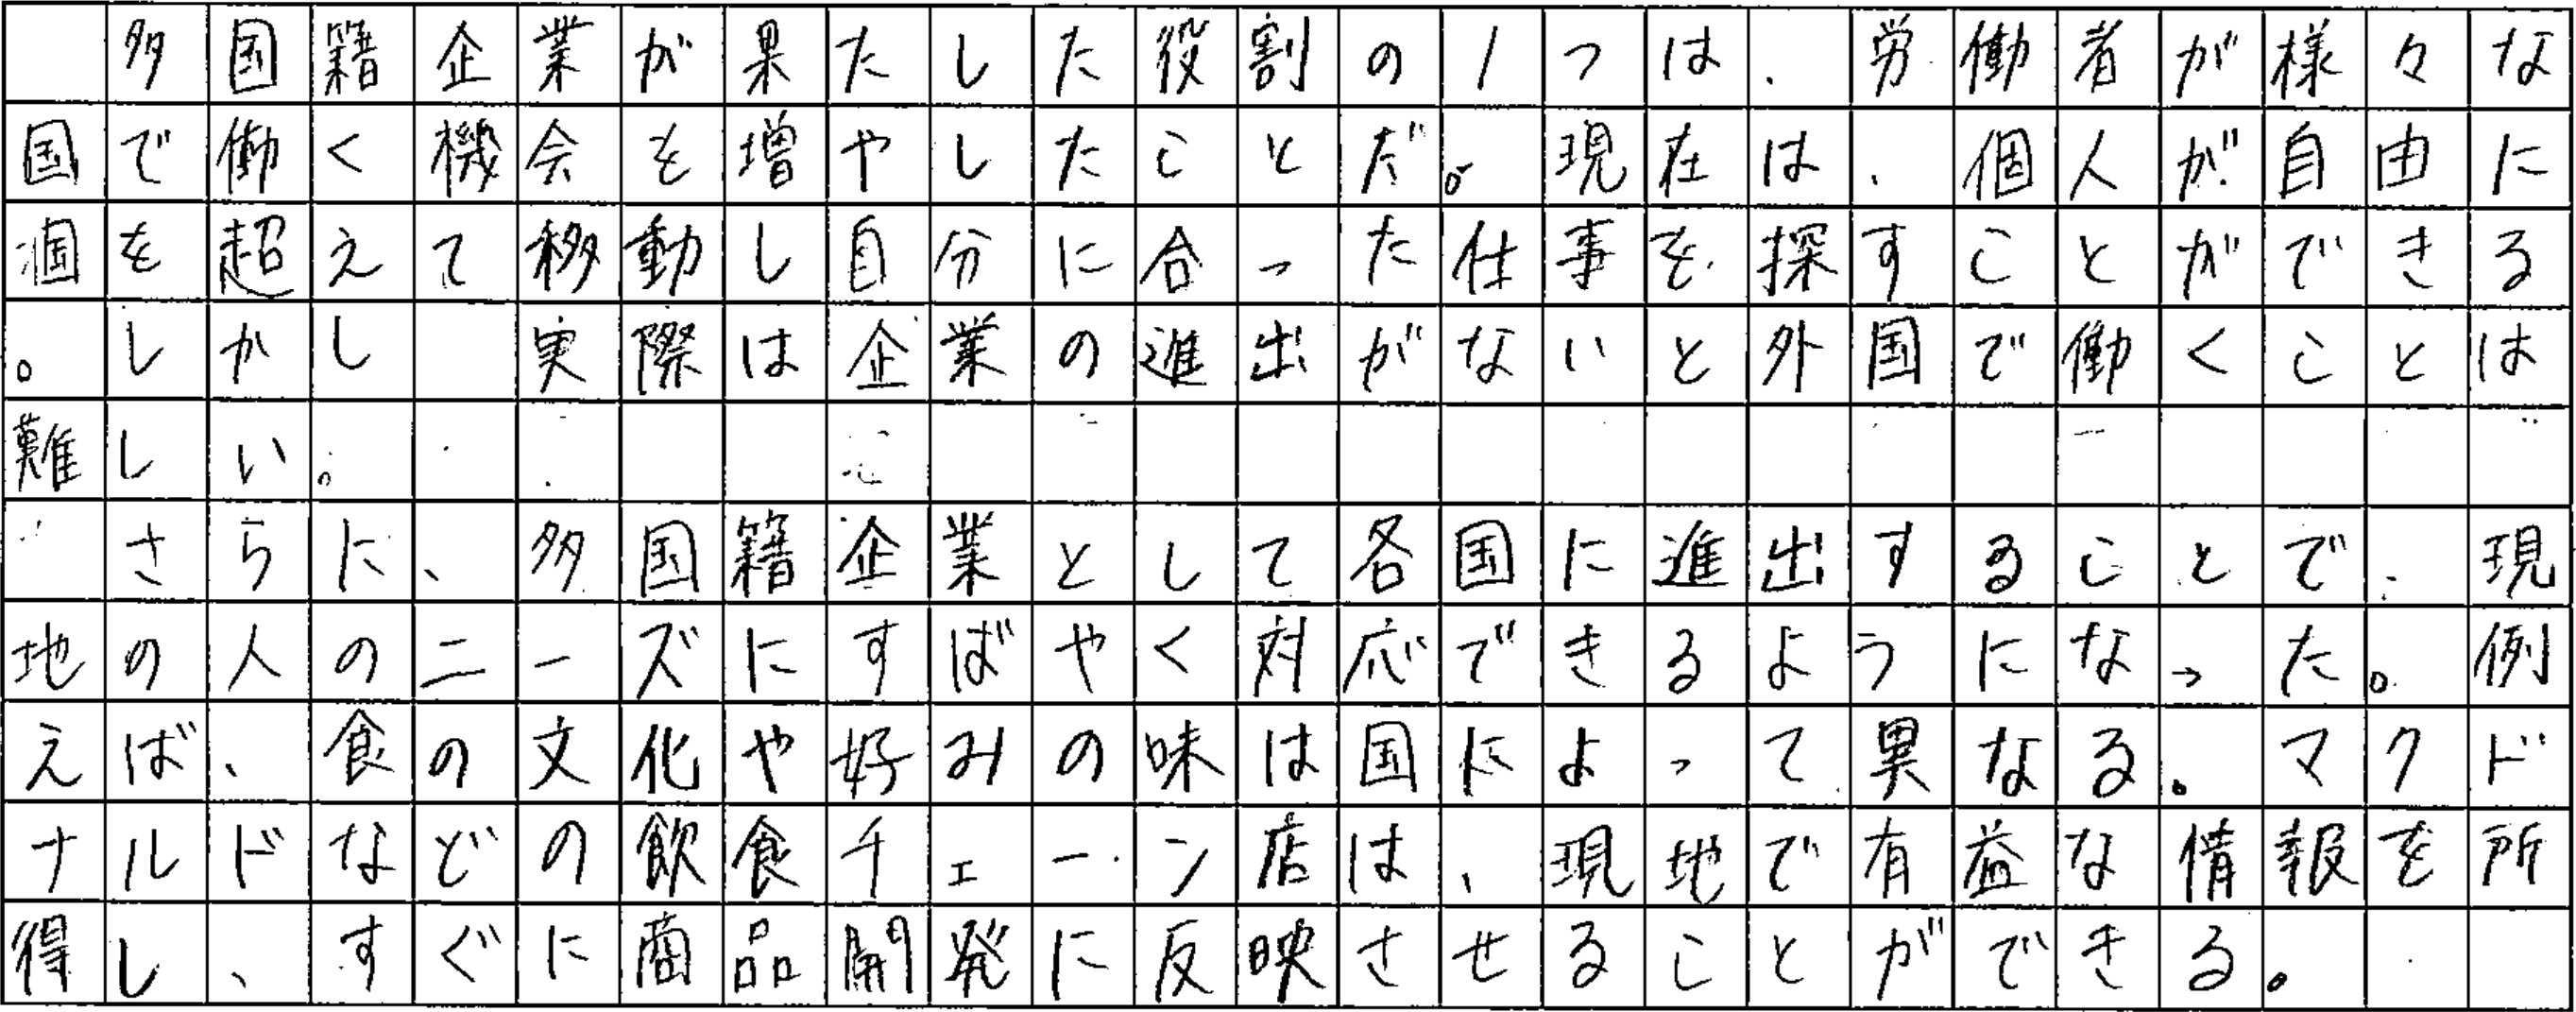  多国籍企業が果たした役割の１つは、労働者が様々な国で働く機会を増やしたことだ。現在は、個人が自由に国を超えて移動し自分に合った仕事を探すことができる。しかし　実際は企業の進出がないと外国で働くことは難しい。
  さらに、多国籍企業として各国に進出することで、現地の人のニーズにすばやく対応できるようになった。例えば、食の文化や好みの味は国によって異なる。マクドナルドなどの飲食チェーン店は、現地で有益な情報を所得し、すぐに商品開発に反映させることができる。
